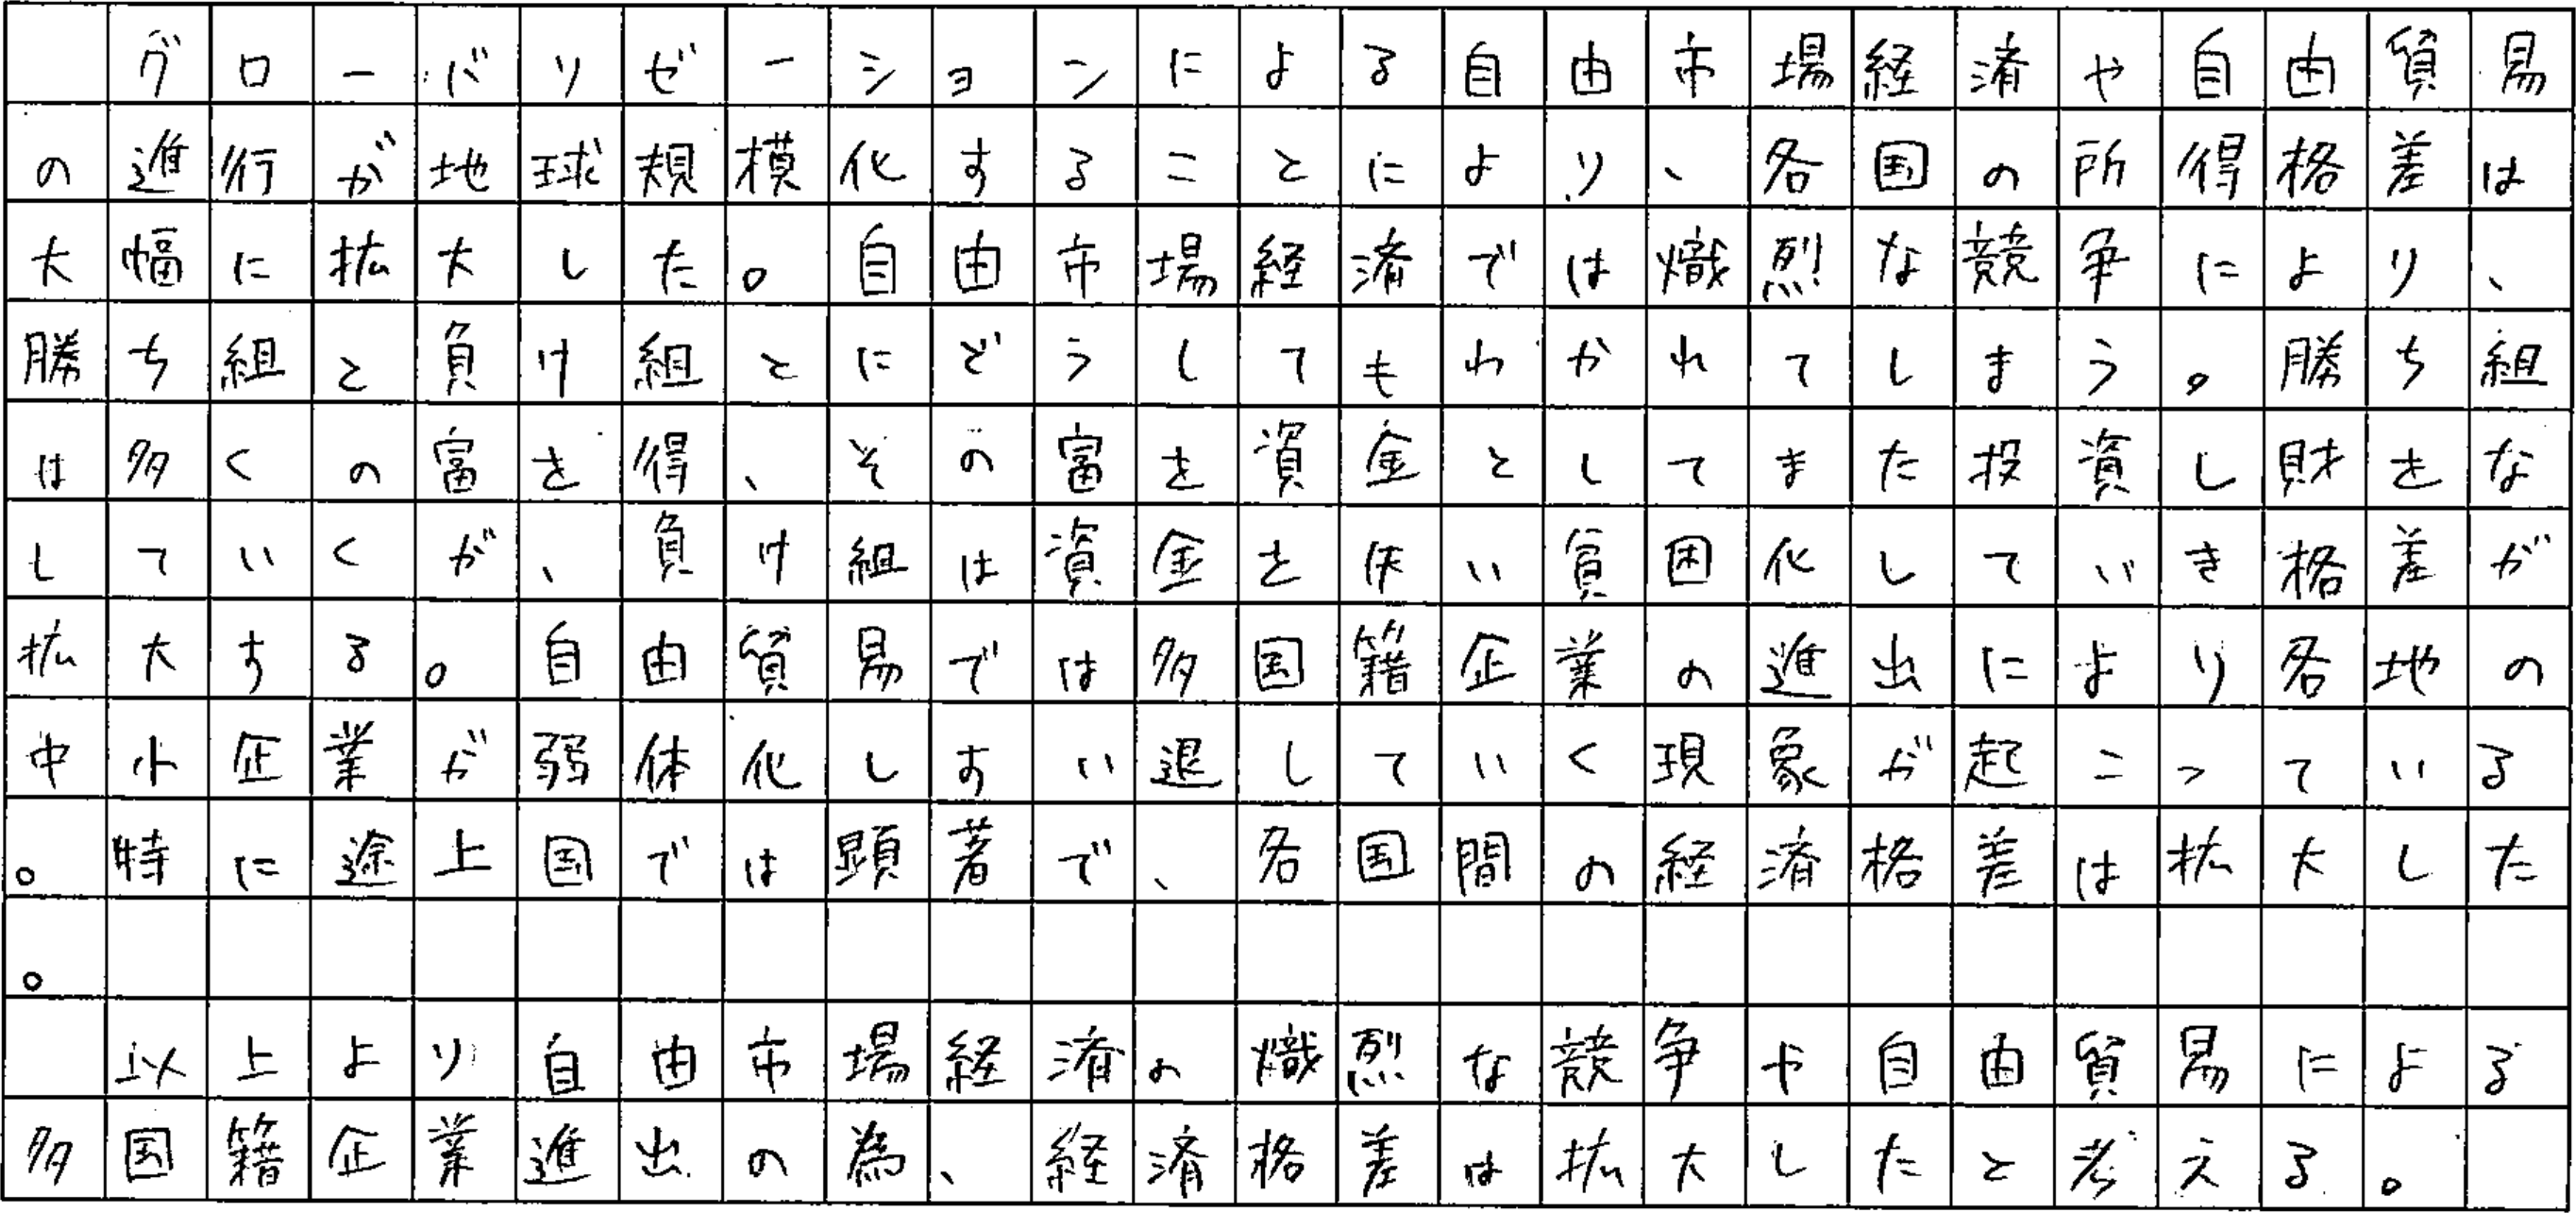　グローバリゼーションによる自由市場経済や自由貿易の進行が地球規模化することにより、各国の所得格差は大幅に拡大した。自由市場経済では熾烈な競争により、勝ち組と負け組とにどうしてもわかれてしまう。勝ち組は多くの富を得、その富を資金としてまた投資し財をなしていくが、負け組は資金を失い貧困化していき格差が拡大する。自由貿易では多国籍企業の進出により各地の中小企業が弱体化しすい退していく現象が起こっている。特に途上国では顕著で、各国間の経済格差は拡大した。
　以上により自由市場経済の熾烈な競争や自由貿易による多国籍企業進出の為、経済格差は拡大したと考える。
